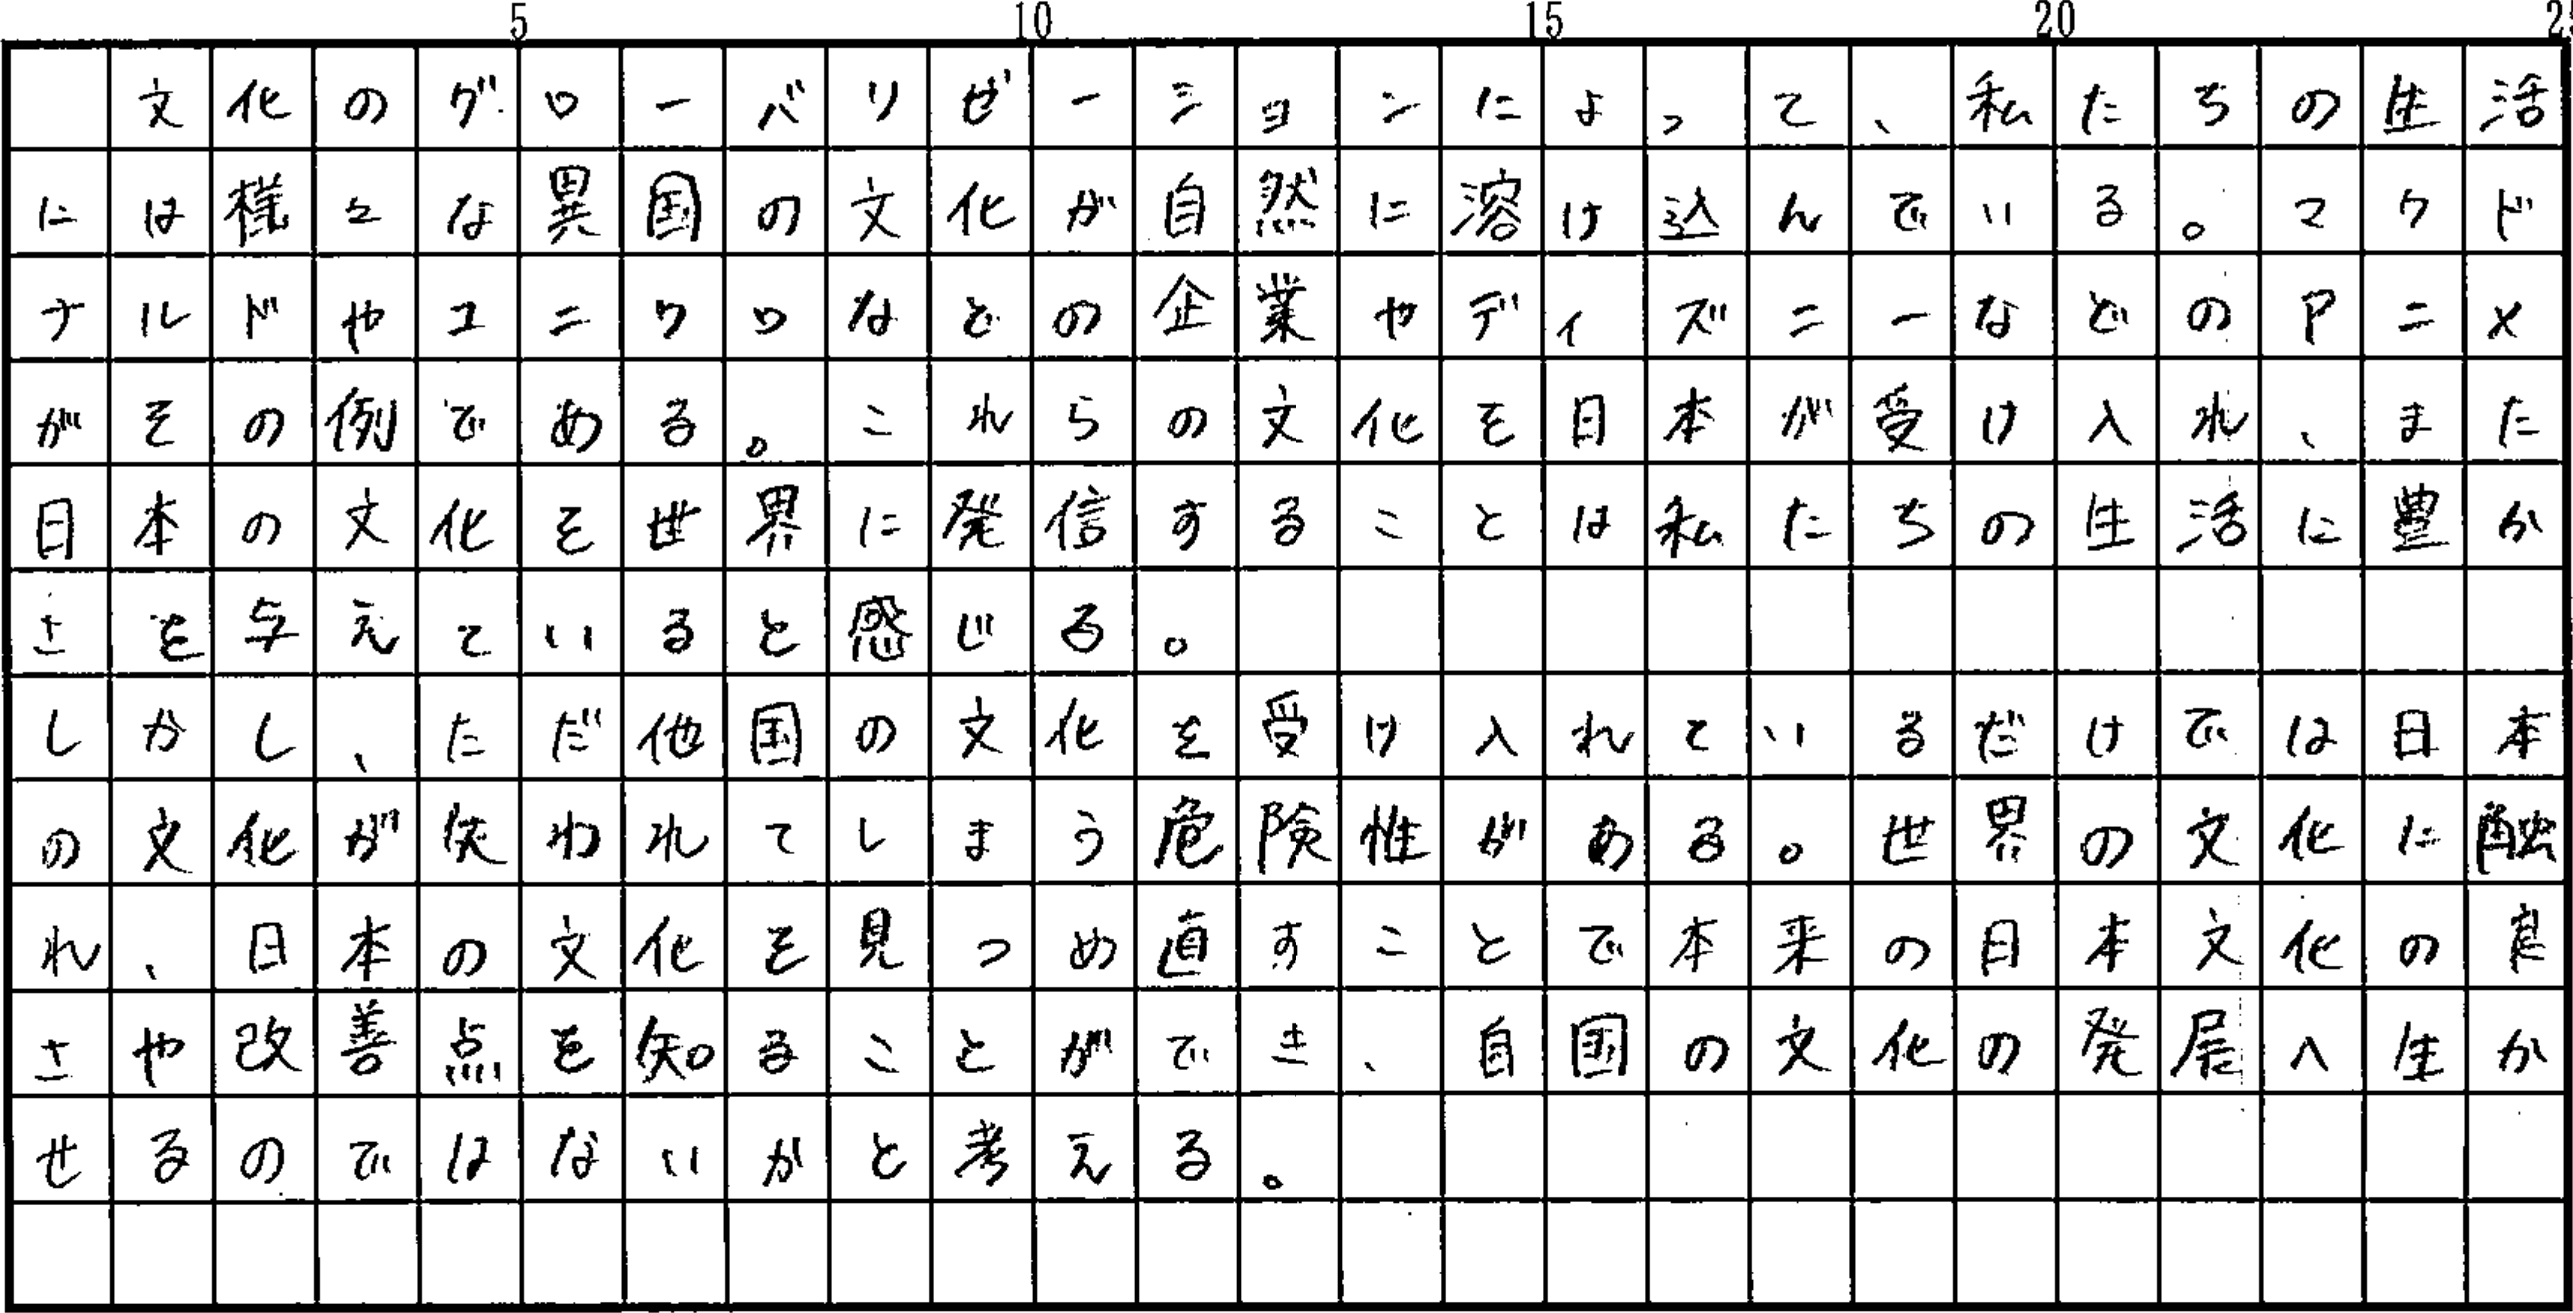　文化のグローバリゼーションによって、私たちの生活には様々な異国の文化が自然に溶け込んでいる。マクドナルドやユニクロなどの企業やディズニーなどのアニメがその例である。これらの文化を日本が受け入れ、また日本の文化を世界に発信することは私たちの生活に豊かさを与えていると感じる。
しかし、ただ他国の文化を受け入れているだけでは日本の文化が失われてしまう危険性がある。世界の文化に触れ、日本の文化を見つめ直すことで本来の日本文化の良さや改善点を知ることができ、自国の文化の発展へ生かせるのではないかと考える。
